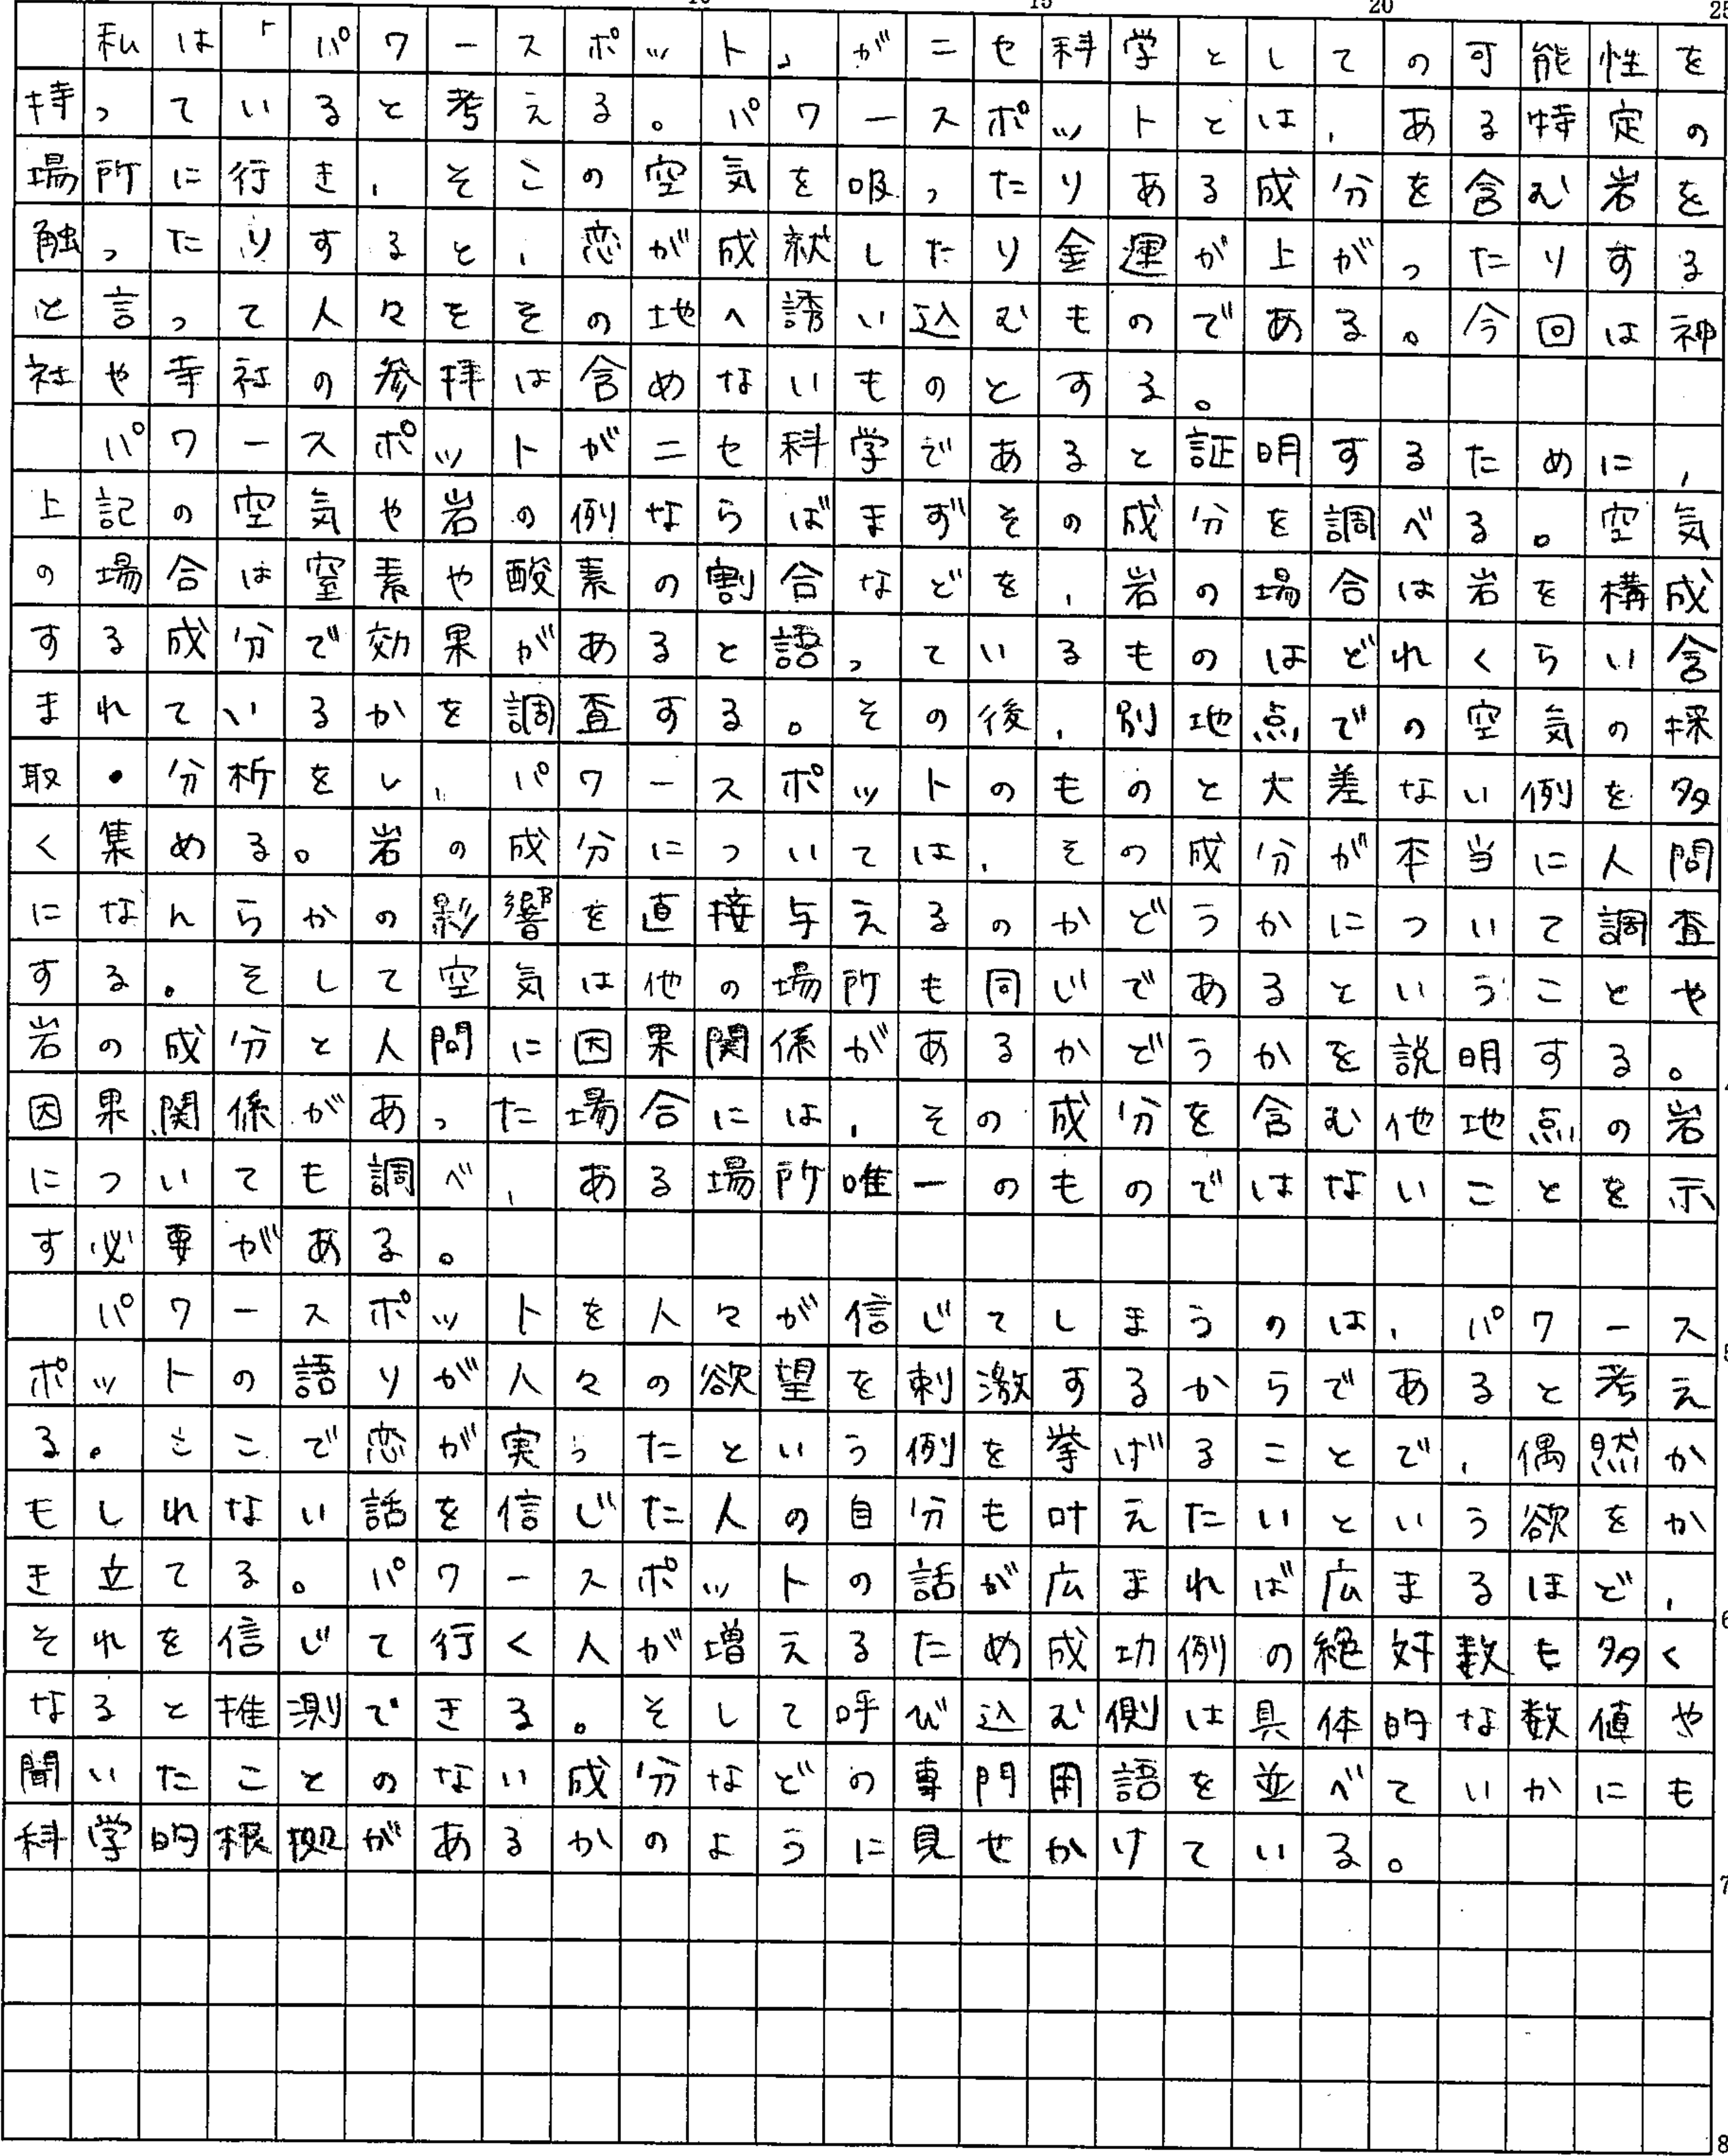　私は「パワースポット」がニセ科学としての可能性を持っていると考える。パワースポットとは、ある特定の場所に行き、そこの空気を吸ったりある成分を含む岩を触ったりすると、恋が成就したり金運が上がったりすると言って人々をその地へ誘い込むものである。今回は神社や寺社の参拝は含めないものとする。
　パワースポットがニセ科学であると証明するために、上記の空気や岩の例ならばまずその成分を調べる。空気の場合は窒素や酸素の割合などを、岩の場合は岩を構成する成分で効果があると語っているものはどれくらい含まれているかを調査する。その後、別地点での空気の採取・分析をし、パワースポットのものと大差ない例を多く集める。岩の成分については、その成分が本当に人間になんらかの影響を直接与えるのかどうかについて調査する。そして空気は他の場所も同じであるということや岩の成分と人間に因果関係があるかどうかを説明する。因果関係があった場合には、その成分を含む他地点の岩についても調べ、ある場所唯一のものではないことを示す必要がある。
　パワースポットを人々が信じてしまうのは、パワースポットの語りが人々の欲望を刺激するからであると考える。ここで恋が実ったという例を挙げることで、偶然かもしれない話を信じた人の自分も叶えたいという欲をかき立てる。パワースポットの話が広まれば広まるほど、それを信じて行く人が増えるため成功例の絶対数も多くなると推測できる。そして呼び込む側は具体的な数値や聞いたことのない成分などの専門用語を並べていかにも科学的根拠があるかのように見せかけている。
